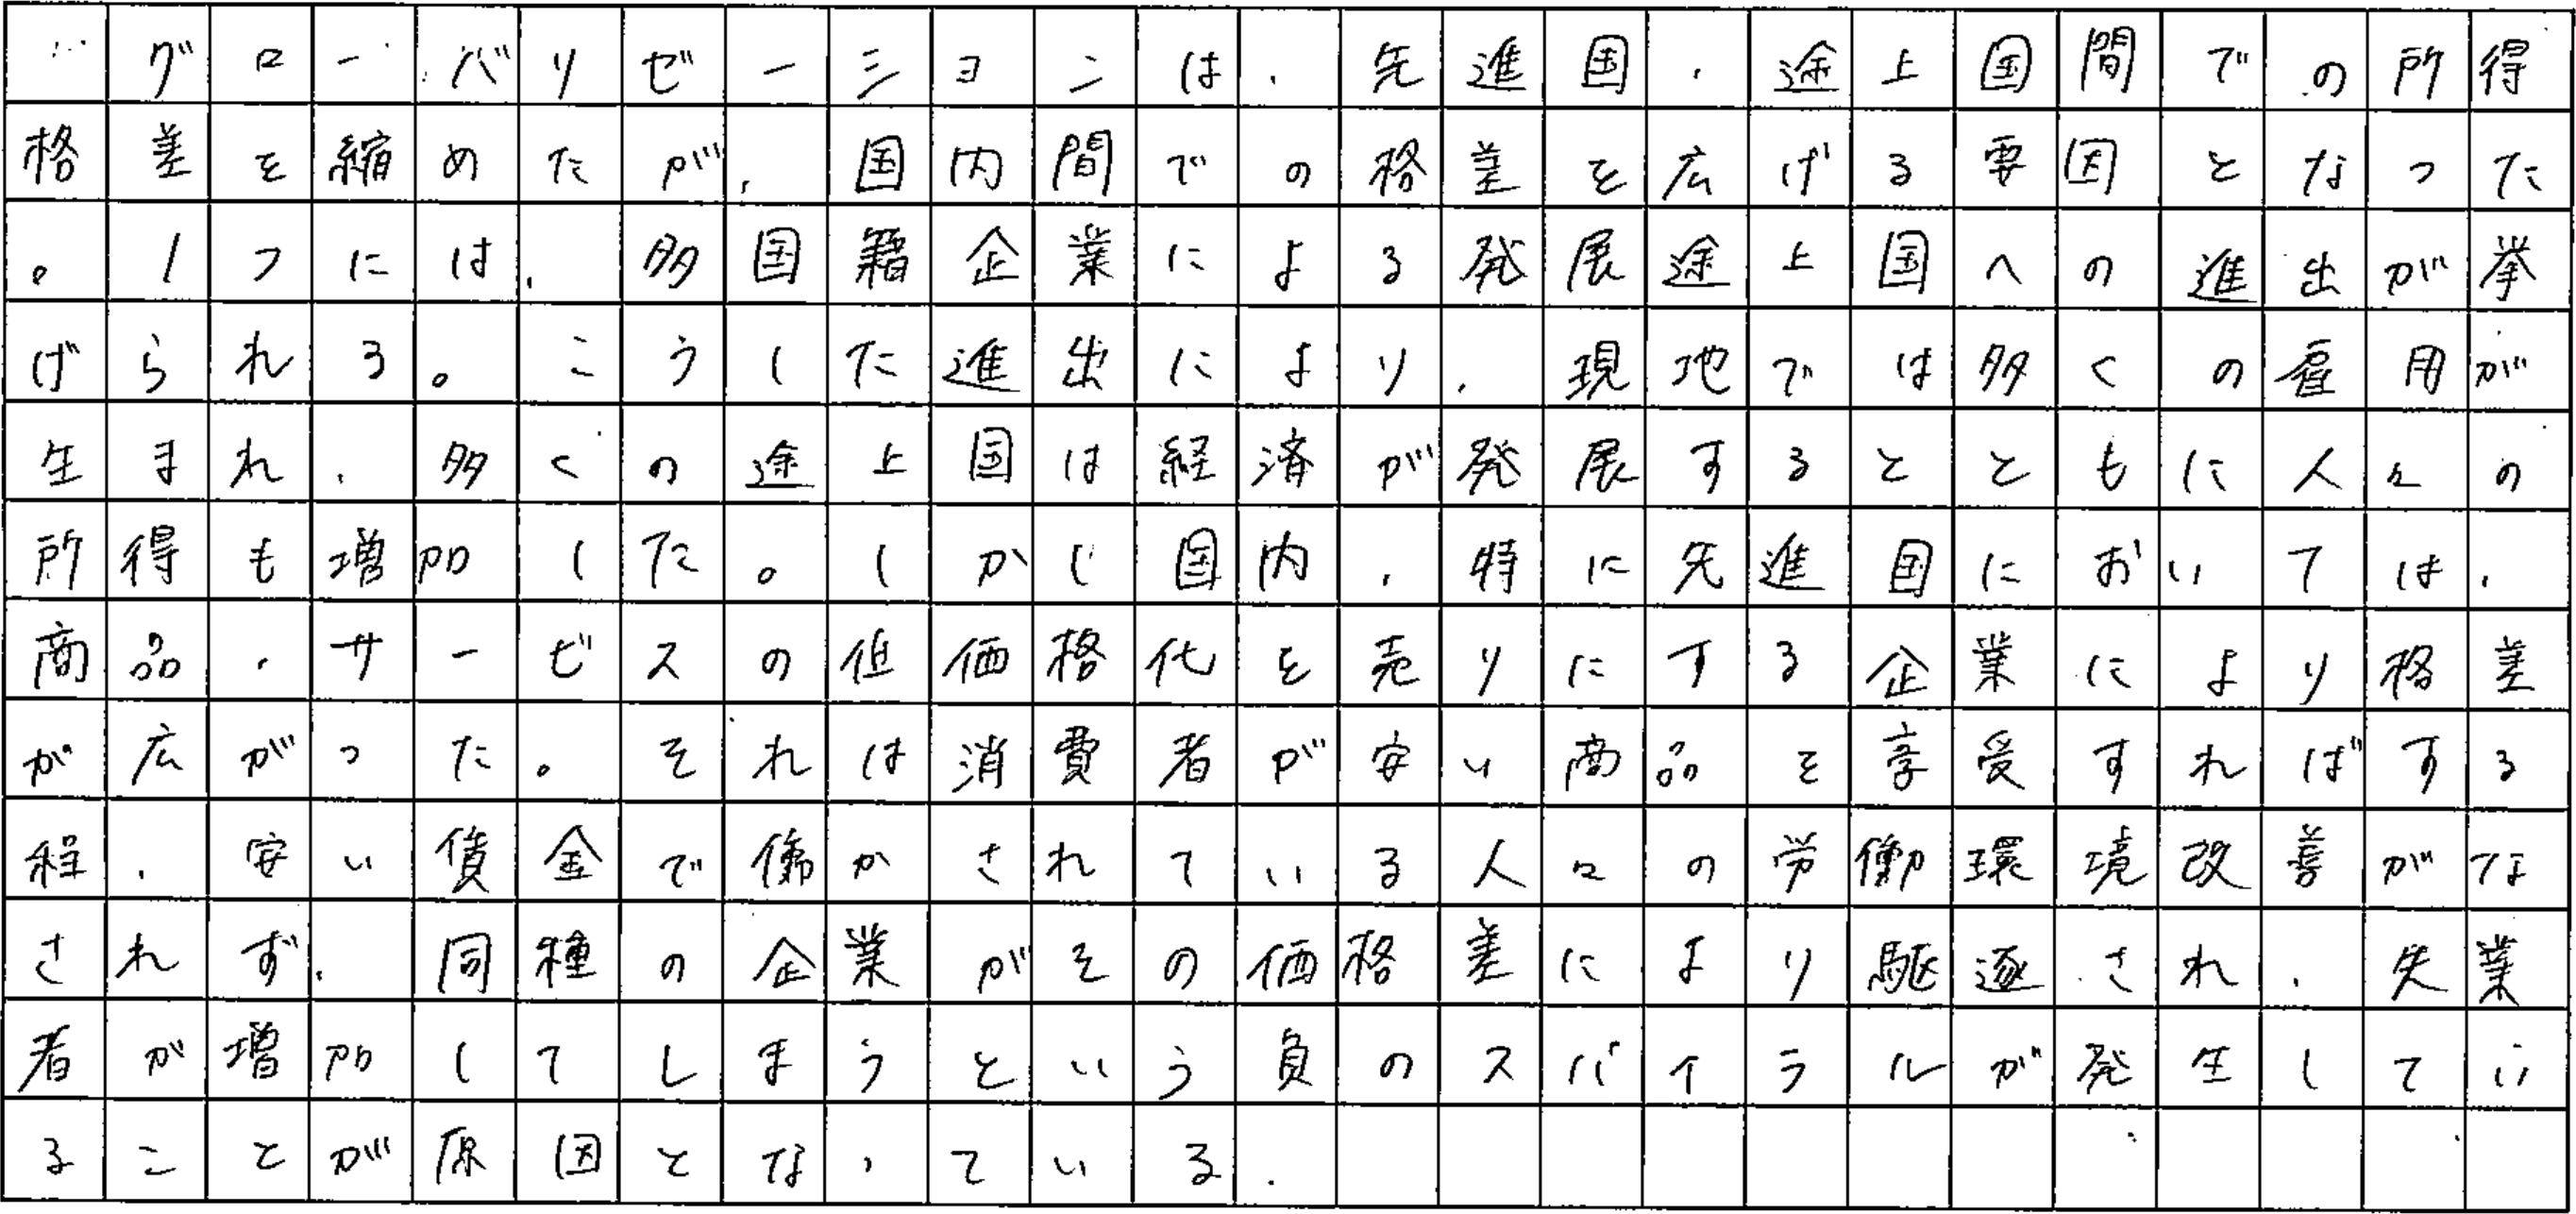　グローバリゼーションは、先進国・途上国間での所得格差を縮めたが、国内間での格差を広げる要因となった。１つには、多国籍企業による発展途上国への進出が挙げられる。こうした進出により、現地では多くの雇用が生まれ、多くの途上国は経済が発展するとともに人々の所得も増加した。しかし国内、特に先進国においては、商品・サービスの低価格化を売りにする企業により格差が広がった。それは消費者が安い商品を享受すればする程、安い賃金で働かされている人々の労働環境改善がなされず、同種の企業がその価格差により駆逐され、失業者が増加してしまうという負のスパイラルが発生していることが原因となっている。
